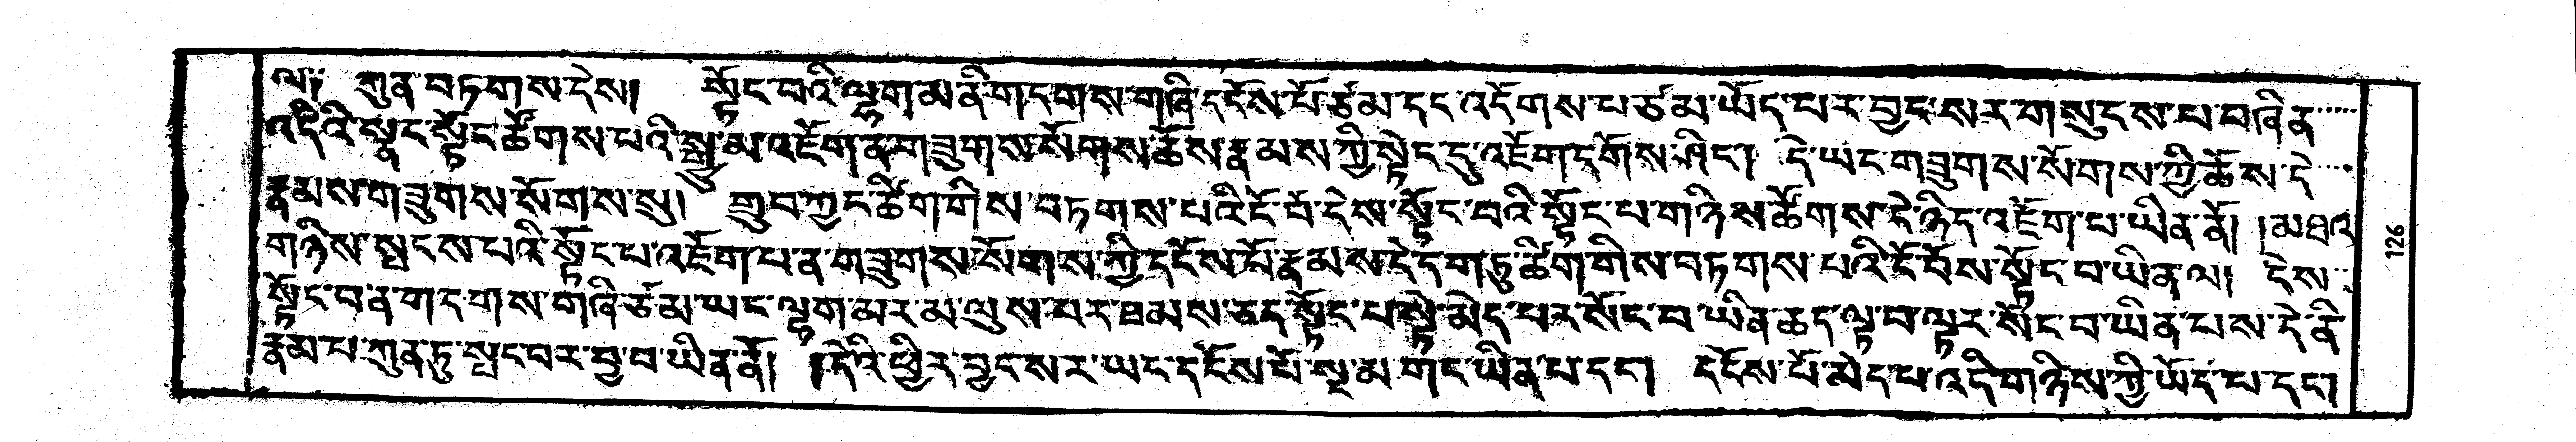ལ༑ ཀུན་བཏགས་དེས། སྟོང་བའི་ལྷག་མ་ནི་གདགས་གཞི་དངོས་པོ་ཙམ་དང་འདོགས་པ་ཙམ་ཡོད་པར་བྱང་སར་གསུངས་པ་བཞིན་
འདིའི་སྣང་སྟོང་ཚོགས་པའི་སྒྱུ་མ་འཇོག་ན་གཟུགས་སོགས་ཆོས་རྣམས་ཀྱི་སྟེང་དུ་འཇོག་དགོས་ཤིང་། དེ་ཡང་གཟུགས་སོགས་ཀྱི་ཆོས་དེ་
རྣམས་གཟུགས་སོགས་སུ། གྲུབ་ཀྱང་ཚིག་གིས་བཏགས་པའི་ངོ་བོ་དེས་སྟོང་བའི་སྟོང་པ་གཉིས་ཚོགས་དེ་ཉིད་འཇོག་པ་ཡིན་ནོ། །མཐའ་
གཉིས་སྤངས་པའི་སྟོང་པ་འཇོག་པ་ན་གཟུགས་སོགས་ཀྱི་དངོས་པོ་རྣམས་དེ་དག་ཏུ་ཚིག་གིས་བཏགས་པའི་ངོ་བོས་སྟོང་པ་ཡིན་ལ། དེས་
སྟོང་པ་ན་གདགས་གཞི་ཙམ་ཡང་ལྷག་མར་མ་ལུས་པར་ཐམས་ཅད་སྟོང་པ་སྟེ་མེད་པར་སོང་བ་ཡིན་ཆད་ལྟ་བ་ལྟར་སོང་བ་ཡིན་པས་དེ་ནི་
རྣམ་པ་ཀུན་ཏུ་སྤང་བར་བྱ་བ་ཡིན་ནོ། །དེའི་ཕྱིར་བྱང་སར་ཡང་དངོས་པོ་སྔ་མ་གང་ཡིན་པ་དང་། དངོས་པོ་མེད་པ་འདི་གཉིས་ཀྱི་ཡོད་པ་དང་།